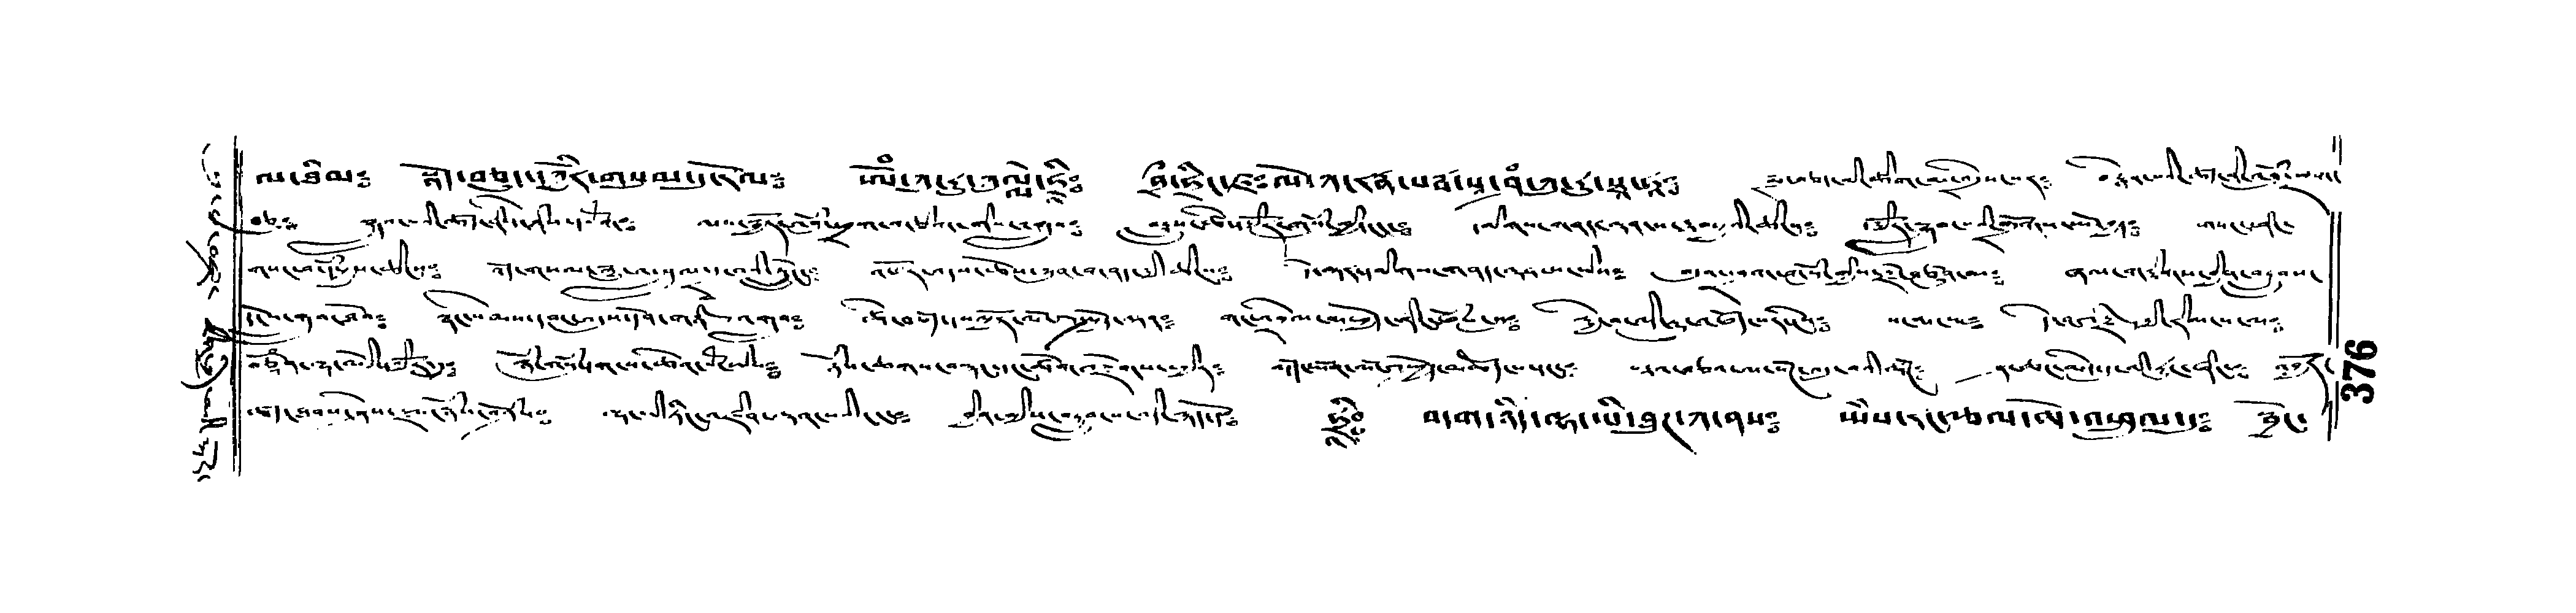ལ་ཐིམ༔ སྣོད་བཅུད་དཀྱིལ་འཁོར་གསུམ་དུ་རོལ༔ ཨོཾ་ཀུ་རུ་ཀུལླེ་ཧྲཱིཿ ནྲྀ་ཧྲིང་ཛཿལོ་ཀ་རཏྣ་སརྦ་པ་ཤཾ་ཀུ་རུ་སྭཱ་ཧཱཿ སྨྲ་བཅད་མི་ཚིག་མ་འདྲེས་པར༔ བསྙེན་པའི་ཚད་ནི་འབུམ་ཕྲག་
བཅུ༔ སྒྲུབ་པའི་ཚད་ནི་དེ་བཞིན་དཔོག༔ ལས་སྦྱོར་འབུམ་ཕྲག་གཅིག་གིས་འགྲུབ༔ བཟླ་ཚེ་དཀྱིལ་འཁོར་གསུམ་གྱི་ངང༔ དམིགས་གནད་ལྡན་པ་ཟབ་རྒྱས་ཆིངས༔ དཀྱིལ་འཁོར་སྒྲུབ་པའི་གྲོགས་ཡོ་བྱད༔ གསང་ཞིང་
གསང་བ་དམ་རྒྱས་ཆིངས༔ འོད་གསལ་སྒྱུ་འཕྲུལ་དྲྭ་བའི་ཀློང༔ འཁོར་འདས་ཆོས་ཀུན་གནད་ཀྱིས་ཆིངས༔ དེ་ལྟར་དམིགས་གནད་ལྡན་པ་ཡིས༔ བདུན་ཕྲག་གསུམ་གྱིས་རྗེ་བཙུན་མ༔ ཞལ་གཟིགས་བྱིན་བརླབས་
དངོས་གྲུབ་ཐོབ༔ སྣང་སེམས་དབང་འདུས་དོན་གཉིས་འགྲུབ༔ ཚེ་བསོད་དཔལ་འབྱོར་ལོངས་སྤྱོད་ལྡན༔ གང་འབྲེལ་མཁའ་སྤྱཽད་ཞིང་ཁམས་སུ༔ སྐྱེ་བ་འདི་རུ་འཁོད་པར་ངེས༔ ས་མ་ཡ༔ དེ་ནས་རྗེས་ཀྱི་རིམ་པ་ལ༔ 
བཅོམ་ལྡན་ལྷ་མོའི་དཀྱིལ་འཁོར་དུ༔ རྣམ་གསུམ་དག་པ་ཆེན་པོ་ཡིས༔ ཉམས་ཆགས་བསྐང་དང་ཚོགས་རྫོགས་ཕྱིར༔ འདོད་ཡོན་ལོངས་སྤྱོད་མཆོད་པ་དང༔ བཟའ་བཅའ་ལ་སོགས་འདུ་བའི་ཚོགས༔ ཤ་ཆང་མེད་དུ་མི་རུང་ཞིང༔ 
འབྱོར་ཚད་ཐབས་ཤེས་རྫས་རྣམས་བཤམས༔ ལྷ་ཡི་ཏིང་འཛིན་ལྡན་པའི་ངང༔ བྱིན་གྱིས་བརླབ་པ་འདི་སྐད་དོ༔ ཧྲཱིཿ བདག་ཉིད་ལྷ་ཡི་ཐུགས་ཀ་ནས༔ ཡེ་ཤེས་རང་རྩལ་ཆོ་འཕྲུལ་དུ༔ སྦྱོང་